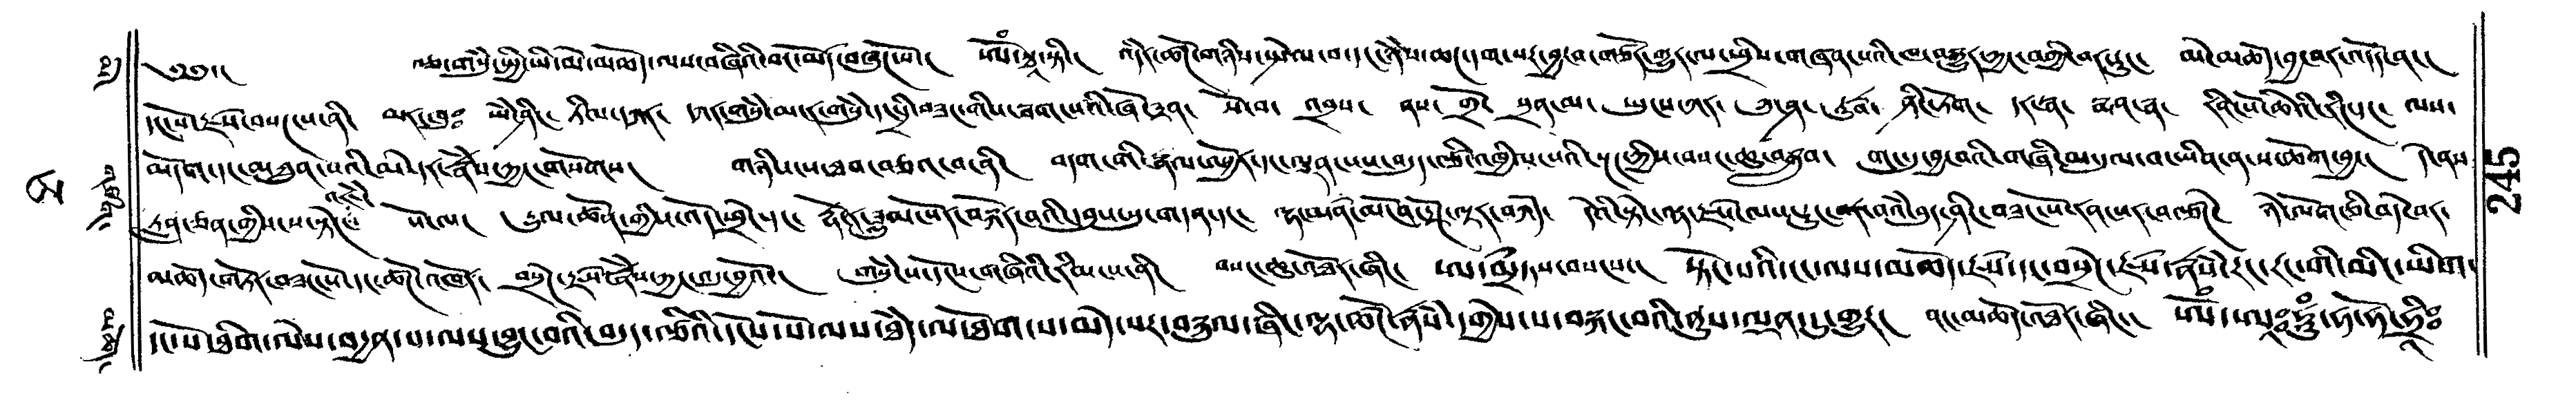༄༅། རྩ་གསུམ་སྤྱི་ཡི་མེ་མཆོད་ལས་བཞིའི་བང་མཛོད་བཞུགས་སོ། ཨོཾ་སྭ་སྟི། འདིར་ཚོགས་གཉིས་སྤེལ་བ་དང་ཉམས་ཆག་དག་པར་བྱ་བ་གཙོར་གྱུར་ལ་ཕྲིན་ལས་གཞན་པའི་ཁ་སྒྱུར་ཀྱང་བགྱི་བར་རུང་། མེ་མཆོད་བྱ་བར་འདོད་ན། 
དངོས་རྫས་བསོག་པ་ནི། མར་ཁུ། ཡམ་ཤིང་། ཏིལ་དཀར། དཀར་གསུམ་མངར་གསུམ་དང་དྲི་བཟང་གིས་སྦགས་པའི་ཞོ་ཟན། སོ་བ། འབྲས། ནས། བྲོ། སྲན་མ། ཡུངས་དཀར། ཀུ་ཤ། དུརྦ། ཤིང་ཏོག དར་སྣ། སྨན་སྣ། རིན་པོ་ཆེའི་རིགས་དང་། ལས་
མདོག་དང་མཐུན་པའི་མེ་དར་རྣམས་ཀྱང་བསག གཉིས་པ་ཐབ་བཅའ་བ་ནི། བདག་གི་རྣལ་འབྱོར་དང་ལྡན་པས་བདུད་རྩི་འཁྱིལ་པའི་སྔགས་ཀྱིས་བསང་ཆུ་བསྒྲུབ། གང་དུ་བྱ་བའི་གཞི་མ་དུལ་བ་ཡིན་ན་ས་ཆོག་བྱ། དེ་ནས་
རླན་ཅན་གྱིས་ས་སྟེང་འཇམ། པོ་ལ། རྡུལ་ཚོན་གྱིས་འོད་ཕྲེང་དང་། རྡོ་ར་ཟླུམ་པོར་བསྐོར་བའི་དབུས་སུ་གདན་དང་། ལྷ་མཚན་མངོན་རྟོགས་ལྟར་དགཽད། དེའི་སྟེང་ལྷ་རྫས་ལས་རུང་བའམ་བུད་ཤིང་བཟང་པོ་རན་པར་བརྩིག ཉེ་ལོགས་ཅི་བདེ་བར་
མཆོད་གཏོར་བཟང་པོ་དང་ཚོགས་འཁོར། སྲེག་རྫས་རྣམས་ཀྱང་འདུ་བྱའོ། གསུམ་པ་དངོས་གཞིའི་རིམ་པ་ནི། བསང་ཆུ་འཐོར་ཞིང་། ཨ་མྲྀ་ཏ ས་བསང་། སྟོང་པའི་ངང་ལས་མཆོད་རྫས་དང་སྲེག་རྫས་རྣམས་རང་རང་གི་མིང་ཡིག་
དང་པོ་ཐིག་ལེས་བརྒྱན་པ་ལས་བྱུང་བའི་བདུད་རྩིའི་དངོས་པོ་ལས་ཐམས་ཅད་ལ་ཐོགས་པ་མེད་པར་བསྐུལ་ཞིང་ལྷ་ཚོགས་རྣམས་དགྱེས་པ་སྐོང་བའི་ནུས་ལྡན་དུ་གྱུར། ནང་མཆོད་འཐོར་ཞིང་། ཨོཾ་ཨཱཿཧཱུྃ་ཧ་ཧོ་ཧྲཱིཿ